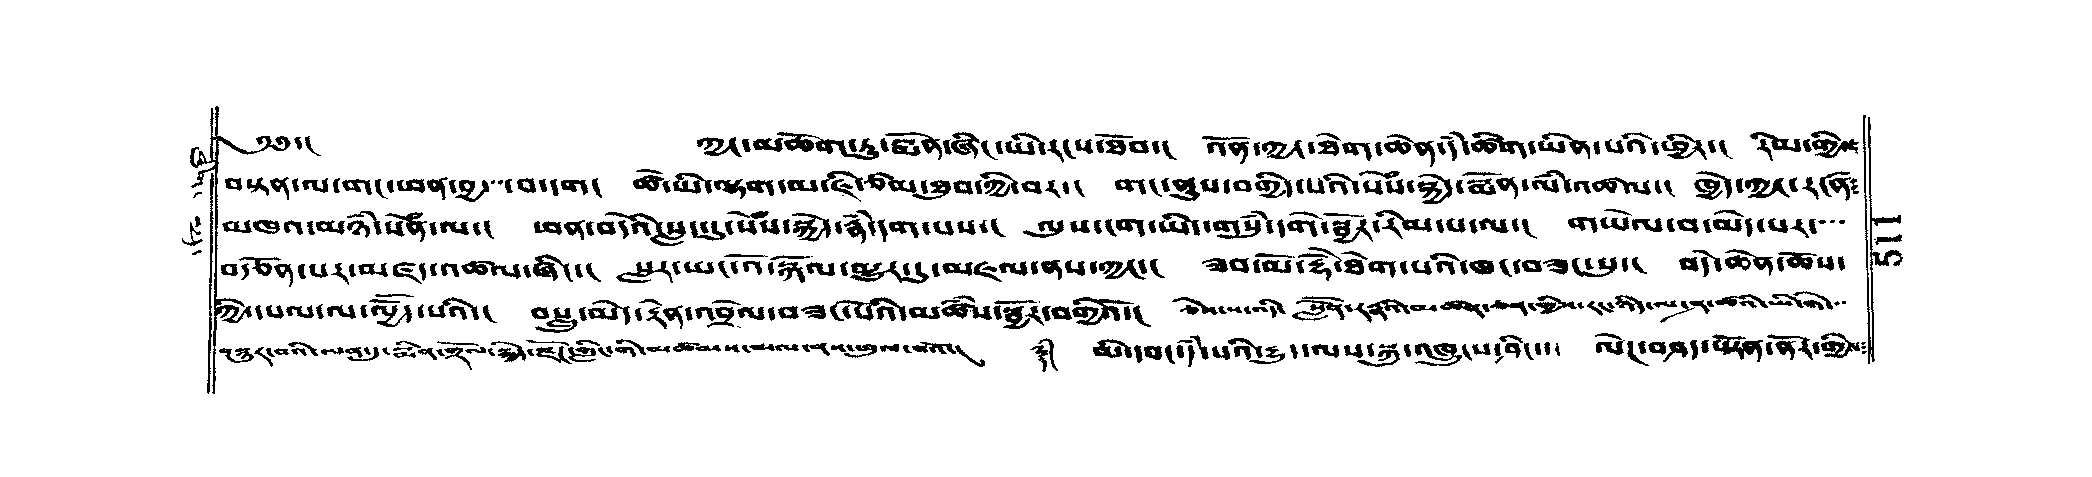ཀྱང་མཆོག་ཏུ་སྨོན་ཞིང་ཡི་རངས་ཐོབ། །འོན་ཀྱང་ཐེག་ཆེན་དམ་ཚིག་ཡིན་པའི་ཕྱིར། །རིམ་གྱིས་
བསྟན་ལ་གང་ཕན་བྱ་བ་དག །ཚེ་ཡི་ལྷག་མ་ཇི་ཙམ་ཐུབ་ཀྱི་བར། །གང་ནུས་བགྱིད་པའི་སེམས་སྐྱེད་སྨོན་ལམ་འཚལ། །ཁྱེད་ཀྱང་རང་གཞན་
མཁའ་མཉམ་སེམས་ཅན་ལ། །ཕན་བདེའི་སླད་དུ་སེམས་སྐྱེད་རྣམ་དག་པས། །ལུས་ངག་ཡིད་གསུམ་དགེ་སྦྱོར་རིམ་པ་ལ། །གཡེལ་བ་མེད་པར་
བརྩོན་པར་མཛད་འཚལ་ཞིང་། །སླར་ཡང་འོ་སྐོལ་མྱུར་ཏུ་མཇལ་ནས་ཀྱང་། །ཟབ་མོ་རྡོ་རྗེ་ཐེག་པའི་ཁང་བཟང་དུ། །བདེ་ཆེན་ཆོས་
ཀྱི་དཔལ་ལ་ལོངས་སྦྱོད་པའི། །བསླུ་མེད་རྟེན་འབྲེལ་བཟང་པོའི་མཚམས་སྦྱོར་བགྱིའོ།།ཞེས་པ་འདི་སློབ་དཔོན་རཏྣའི་མཚན་ཅན་གྱིས་རང་ཉིད་ལ་ཤ་ཚའི་ཡི་གེ་
བསྐུར་བའི་ལན་དུ་སྨིན་གྲོལ་སྐྱེད་རྫོགས་གླིང་གི་མཚམས་མལ་ནས་ཕུལ་བའོ།། ༈ མི་དབང་དམ་པའི་རྒྱུད་ལས་སྐུ་འཁྲུངས་ཤིང་། །ལེགས་བཤད་ཡོན་ཏན་ནོར་གྱིས་